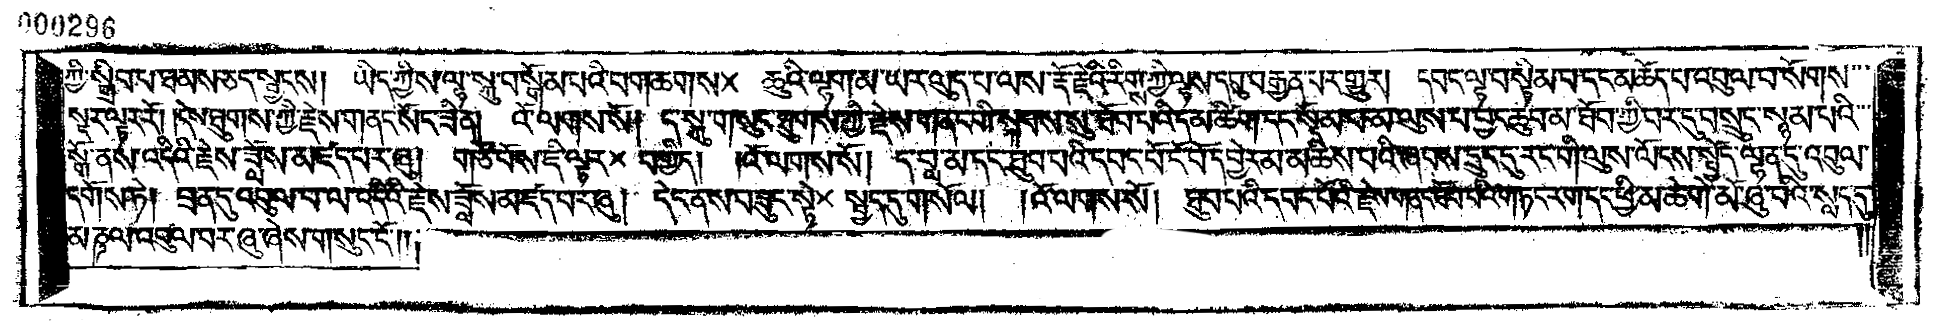ཀྱི་སྒྲིབ་པ་ཐམས་ཅད་སྦྱངས། ཡིད་ཀྱིས་ལྷ་སྐུ་བསྒོམ་པའི་བག་ཆགས྾་ཆུའི་ལྷག་མ་ཡར་ལུད་པ་ལས་རྡོ་རྗེའི་རིགས་ཀྱི་ལྷས་དབུ་བརྒྱན་པར་གྱུར། དབང་ལྷ་བསྟིམ་པ་དང་མཆོད་པ་འབུལ་བ་སོགས་
སྔར་ལྟར་རོ། །དེས་ཐུགས་ཀྱི་རྗེས་གནང་སོང་ཟིན། འོ་ལགས་སོ། ད་སྐུ་གསུང་ཐུགས་ཀྱི་རྗེས་གནང་གི་སྐབས་སུ་ཐོབ་པའི་དམ་ཚིག་དང་སྡོམ་པ་མ་ལུས་པ་བྱང་ཆུབ་མ་ཐོབ་ཀྱི་བར་དུ་བསྲུང་སྙམ་པའི་
སྒོ་ནས་འདིའི་རྗེས་ཟློས་མཛད་པར་ཞུ། གཙོ་བོས་ཇི་ལྟར྾་བགྱིད། །འོ་ལགས་སོ། ད་བླ་མ་དང་ཐུབ་པའི་དབང་པོ་ངོ་བོ་དབྱེར་མ་མཆིས་པའི་ཞབས་དྲུང་དུ་རང་གི་ལུས་ལོངས་སྤྱོད་ལྷན་དུ་འབུལ་
དགོས་ཏེ། བྲན་དུ་འབུལ་བ་ལ་འདིའི་རྗེས་ཟློས་མཛད་པར་ཞུ། དེང་ནས་བཟུང་སྟེ྾་སྤྱད་དུ་གསོལ། །འོ་ལགས་སོ། ཐུབ་པའི་དབང་པོའི་རྗེས་གནང་ཐོབ་པའི་གཏང་རག་དང་ཕྱི་མ་ཆེ་གེ་མོ་ཞུ་བའི་སླད་དུ་
མཎྜལ་འབུལ་བར་ཞུ་ཞེས་གསུང་ངོ།། །།